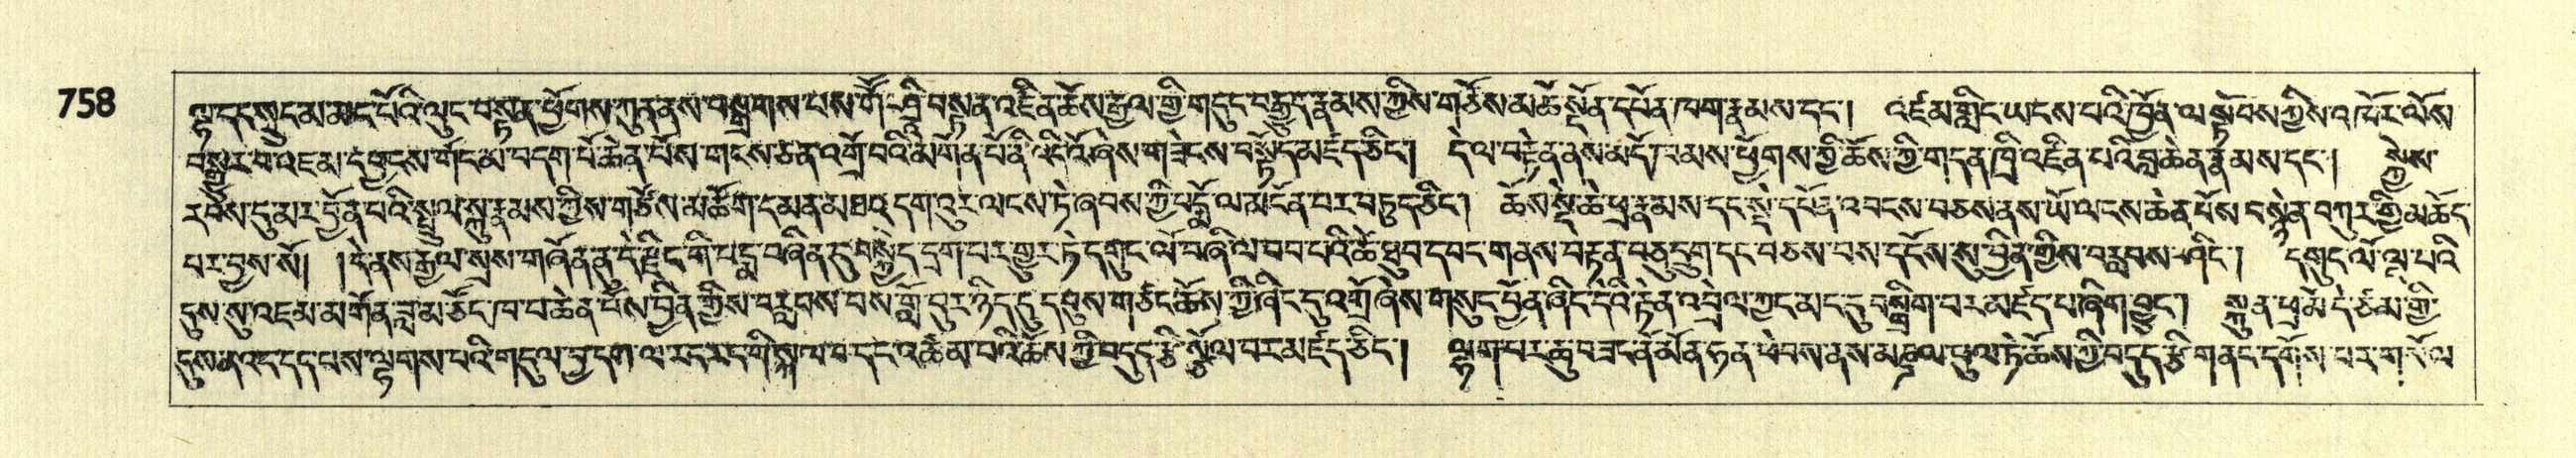ལྷ་དང་སྲུང་མ་མང་པོའི་ལུང་བསྟན་ཕྱོགས་ཀུན་ནས་བསྒྲགས་པས་གཽ་ཤྲཱི་བསྟན་འཛིན་ཆོས་རྒྱལ་གྱི་གདུང་བརྒྱུད་རྣམས་ཀྱིས་གཙོས་མཆོ་སྔོན་དཔོན་ཁག་རྣམས་དང་། འཛམ་གླིང་ཡངས་པའི་ཁྱོན་ལ་སྟོབས་ཀྱིས་འཁོར་ལོས་
བསྒྱུར་བ་འཇམ་དབྱངས་གོང་མ་བདག་པོ་ཆེན་པོས་གངས་ཅན་འགྲོ་བའི་མགོན་པོ་ནི་འདིའོ་ཞེས་གཟེངས་བསྟོད་མཛད་ཅིང་། དེ་ལ་བརྟེན་ནས་མདོ་ཁམས་ཕྱོགས་ཀྱི་ཆོས་ཀྱི་གདན་ཁྲི་འཛིན་པའི་བླ་ཆེན་རྣམས་དང་། སྐྱེས་
རབས་དུ་མར་བྱོན་པའི་སྤྲུལ་སྐུ་རྣམས་ཀྱིས་གཙོས་མཆོག་དམན་མཐའ་དག་འུར་ལངས་ཏེ་ཞབས་ཀྱི་པདམོ་ལ་མངོན་བར་བཏུད་ཅིང་། ཆོས་སྡེ་ཆེ་ཕྲ་རྣམས་དང་སྡེ་དཔོན་འབངས་བཅས་ནས་ཡོ་ལངས་ཆེན་པོས་བསྙེན་བཀུར་གྱི་མཆོད་
པར་བྱས་སོ། །དེ་ནས་རྒྱལ་སྲས་གཞོན་ནུ་དེ་རྫིང་གི་པདམ་བཞིན་དུ་བསྐྱེད་དྲག་པར་གྱུར་ཏེ་དགུང་ལོ་བཞི་ལ་བབ་པའི་ཚེ་ཐུབ་དབང་གནས་བརྟན་བཅུ་དྲུག་དང་བཅས་བས་དངོས་སུ་བྱིན་གྱིས་བརླབས་ཤིང་། དགུང་ལོ་ལྔ་པའི་
དུས་སུ་འཇམ་མགོན་བླ་མ་ཙོང་ཁ་པ་ཆེན་པོས་བྱིན་གྱིས་བརླབས་བས་གློ་བུར་ཉིད་དུ་དབུས་གཙང་ཆོས་ཀྱི་ཞིང་དུ་འགྲོ་ཞེས་གསུང་བྱོན་ཞིང་དེའི་རྟེན་འབྲེལ་ཀྱང་མང་དུ་བསྒྲིག་བར་མཛད་པ་ཞིག་བྱུང་། སྐུན་ཕྲ་མོ་དེ་ཙམ་གྱི་
དུས་ནའང་དད་པས་ལྷགས་པའི་གདུལ་བྱ་དག་ལ་རང་རང་གི་སྐལ་བ་དང་འཚམ་བའི་ཆོས་ཀྱི་བདུད་རྩི་སྩོལ་བར་མཛད་ཅིང་། ལྷག་པར་ཆུ་བཟང་ནོ་མོན་ཧན་ཕེབས་ནས་མཎྜལ་ཕུལ་ཏེ་ཆོས་ཀྱི་བདུད་རྩི་གནང་དགོས་པར་གསོལ་